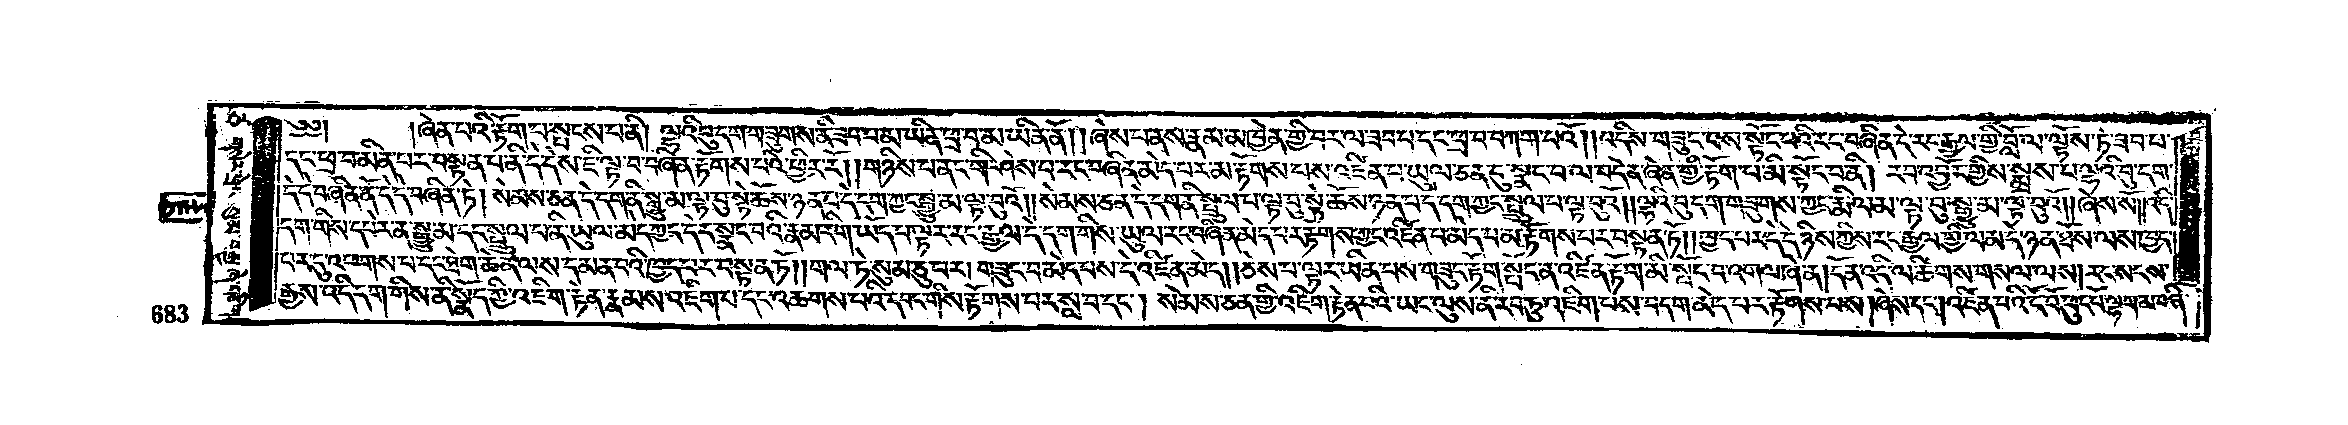༄༅། །ཞེན་པའི་རྟོག་པ་སྤངས་པ་ནི། ལྷའི་བུ་དག་གཟུགས་ནི་ཟབ་པ་མ་ཡིན་ཕྲ་བ་མ་ཡིན་ནོ། །ཞེས་པ་ནས་རྣམ་མཁྱེན་གྱི་བར་ལ་ཟབ་པ་དང་ཕྲ་བ་བཀག་པའོ། །འདིས་གཟུང་བས་སྟོང་པའི་རང་བཞིན་དེ་རང་རྒྱལ་གྱི་བློ་ལ་ལྟོས་ཏེ་ཟབ་པ་
དང་ཕྲ་བ་མིན་པར་བསྟན་པ་ནི་དེ་དེས་ཇི་ལྟ་བ་བཞིན་རྟོགས་པའི་ཕྱིར་རོ། །གཉིས་པ་ནང་གི་ཤེས་པ་རང་བཞིན་མེད་པར་མ་རྟོགས་པས་འཛིན་པ་ཡུལ་ཅན་དུ་སྣང་བ་ལ་བདེན་ཞེན་གྱི་རྟོག་པ་མི་སྟོང་བ་ནི། རབ་འབྱོར་གྱིས་སྨྲས་པ་ལྷའི་བུ་དག་
དེ་དེ་བཞིན་ནོ་དེ་དེ་བཞིན་ཏེ། སེམས་ཅན་དེ་དག་ནི་སྒྱུ་མ་ལྟ་བུ་སྟེ་ཆོས་ཉན་པ་དེ་དག་ཀྱང་སྒྱུ་མ་ལྟ་བུའོ། །སེམས་ཅན་དེ་དག་ནི་སྤྲུལ་པ་ལྟ་བུ་སྟེ་ཆོས་ཉན་པ་དེ་དག་ཀྱང་སྤྲུལ་པ་ལྟ་བུའོ། །ལྷའི་བུ་དག་གཟུགས་ཀྱང་རྨི་ལམ་ལྟ་བུ་སྒྱུ་མ་ལྟ་བུའོ། །ཞེས་སོ། །འདི་
དག་གིས་དཔེར་ན་སྒྱུ་མ་དང་སྤྲུལ་པ་ནི་ཡུལ་མེད་ཀྱང་དེར་སྣང་བའི་རྣམ་རིག་ཡོད་པ་ལྟར་རང་རྒྱལ་དེ་དག་གིས་ཡུལ་རང་བཞིན་མེད་པར་རྟོགས་ཀྱང་འཛིན་པ་མེད་པ་མ་རྟོགས་པར་བསྟན་ཏོ། །ཁྱད་པར་དེ་གཉིས་ཀྱིས་རང་རྒྱལ་གྱི་ལམ་དེ་ཉན་ཐོས་ལས་ཁྱད་
པར་དུ་འཕགས་པ་དང་ཐེག་ཆེན་ལས་དམན་པའི་ཁྱད་པར་བསྟན་ཏོ། །གལ་ཏེ་སུམ་ཅུ་པར། གཟུང་བ་མེད་པས་དེ་འཛིན་མེད། །ཅེས་པ་ལྟར་ཡིན་པས་གཟུང་རྟོག་སྤོང་ན་འཛིན་རྟོག་མི་སྤོང་བ་འགལ་ཞེ་ན། དོན་འདི་ལ་ཚིགས་གསལ་ལས། རང་སངས་
རྒྱས་འདི་དག་གིས་ནི་སྣོད་ཀྱི་འཇིག་རྟེན་རྣམས་འཇིག་པ་དང་འཆགས་པའི་དབང་གིས་རྟོགས་པར་སླ་བ་དང་། སེམས་ཅན་གྱི་འཇིག་རྟེན་པའི་ཡང་ལུས་ནི་རབ་ཏུ་འཇིག་པས་བདག་མེད་པར་རྟོགས་པས། ཞེས་དང་། འཛིན་པའི་ངོ་བོ་ཕུང་པོ་ལྷག་མ་བཞི་